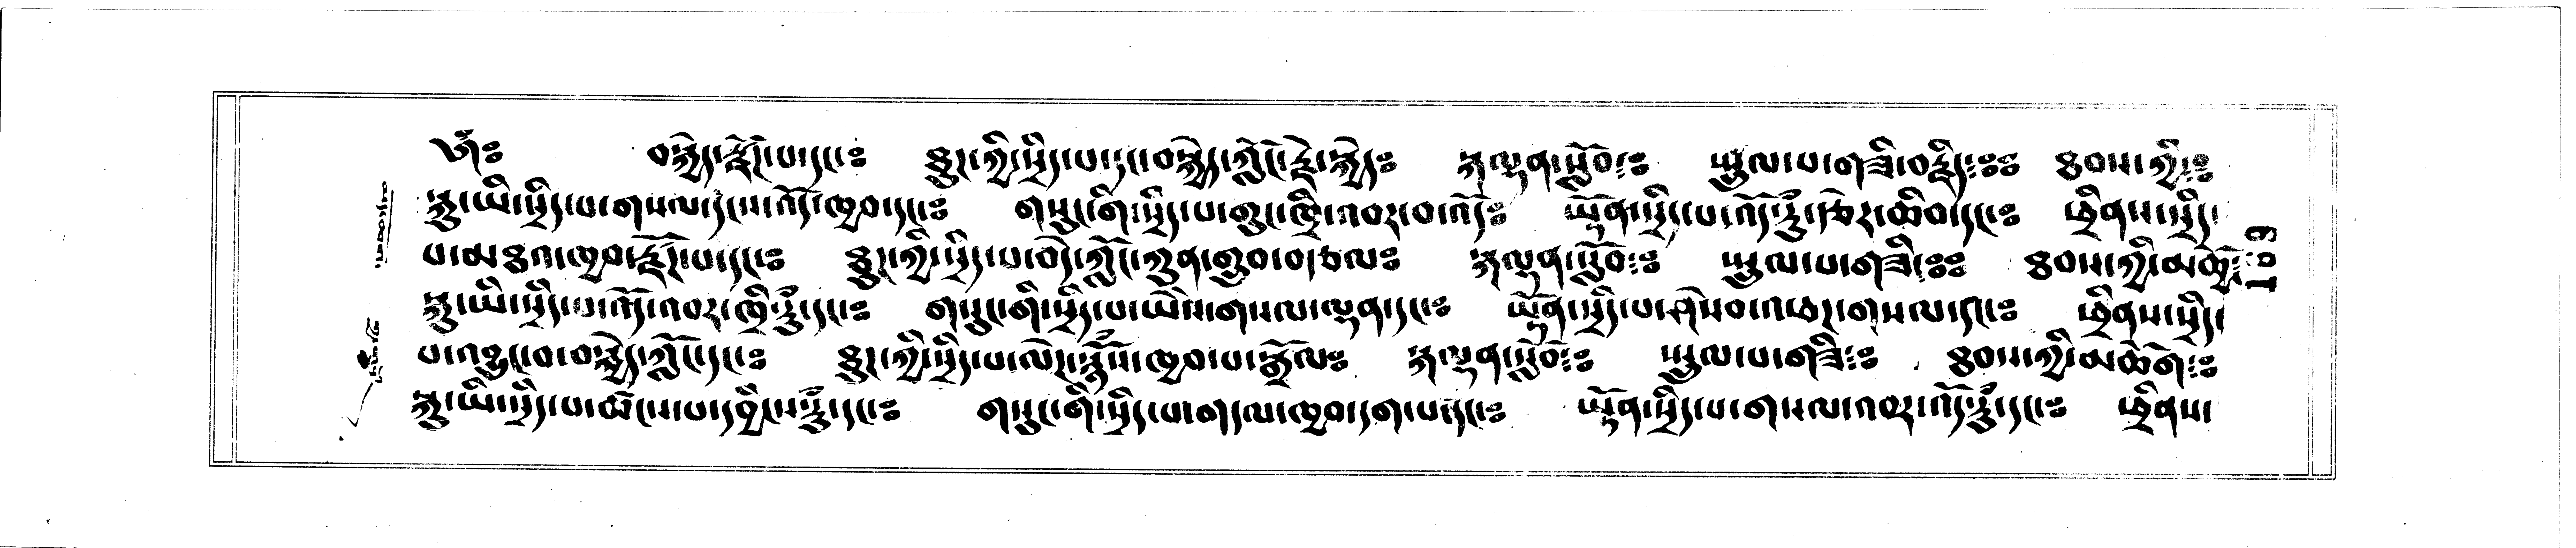བསྐྱེད་རྫོགས་པ་དངཿ ཐུགས་ཀྱི་སྲིད་པ་དང་སྐྱེད་ཀློང་རྗེ་སྐྱེདཿ སྐལ་ལྡན་སློབ་མ་རྣམས་ལ་དབང་བསྐུར་བསཿ སྤྲུལ་པ་གཟི་བརྗིད་འགྲོ་འདྲེན་དབང་ཐོབ་ཤོགཿ ཐབས་ཀྱི་མཆོག་གྱུར་སྤྲུལ་པ་ལས་སྲིད་པའིཿ 
སྐུ་ཡི་སྲིད་པ་གསལ་དང་འོད་ཁྱབ་དངཿ གསུང་གི་སྲིད་པ་གུང་ཁྲི་འབར་བ་འོདཿ ཡོན་ཏན་སྲིད་པ་འོད་རུམ་རྩེར་ཆིབས་དངཿ ཕྲིན་ལས་སྲིད་
པ་མཐར་ཁྱབ་རྫོགས་པ་དངཿ ཐུགས་ཀྱི་སྲིད་པ་བདེ་ཀློང་ཀུན་གྲུབ་རྩལཿ སྐལ་ལྡན་སློབ་མ་རྣམས་ལ་དབང་བསྐུར་བསཿ སྤྲུལ་པ་གཟི་བརྗིད་འགྲོ་འདྲེན་དབང་ཐོབ་ཤོགཿ ཐབས་ཀྱི་མཆོག་གྱུར་སྤྲུལ་པ་ལས་སྲིད་པའིཿ 
སྐུ་ཡི་སྲིད་པཿ འོད་འབར་ཁྲི་རུམ་དངཿ གསུང་གི་སྲིད་པ་ཡེ་ཤེས་གསལ་ལྡན་དངཿ ཡོན་ཏན་གྱི་སྲིད་པ་ཤེས་རབ་འཕགས་གསལ་དངཿ ཕྲིན་ལས་ཀྱི་སྲིད་
པ་འབྱུང་བ་བསྐྱེད་ཀློང་དངཿ ཐུགས་ཀྱི་སྲིད་པ་ལེགས་སྙོམས་ཁྱབ་པར་སྒྲོལཿ སྐལ་ལྡན་སློབ་མ་རྣམས་ལ་དབང་བསྐུར་བསཿ སྤྲུལ་པ་གཟི་བརྗིད་འགྲོ་འདྲེན་དབང་ཐོབ་ཤོགཿ ཐབས་ཀྱི་མཆོག་གྱུར་སྤྲུལ་པ་ལས་སྲིད་པའིཿ 
སྐུ་ཡི་སྲིད་པ་ཚངས་པ་དབྱིངས་རུམ་དངཿ གསུང་གི་སྲིད་པ་བདལ་ཁྱབ་དག་པ་དངཿ ཡོན་ཏན་སྲིད་པ་གསལ་འབར་འོད་རུམ་དངཿ ཕྲིན་ལས་